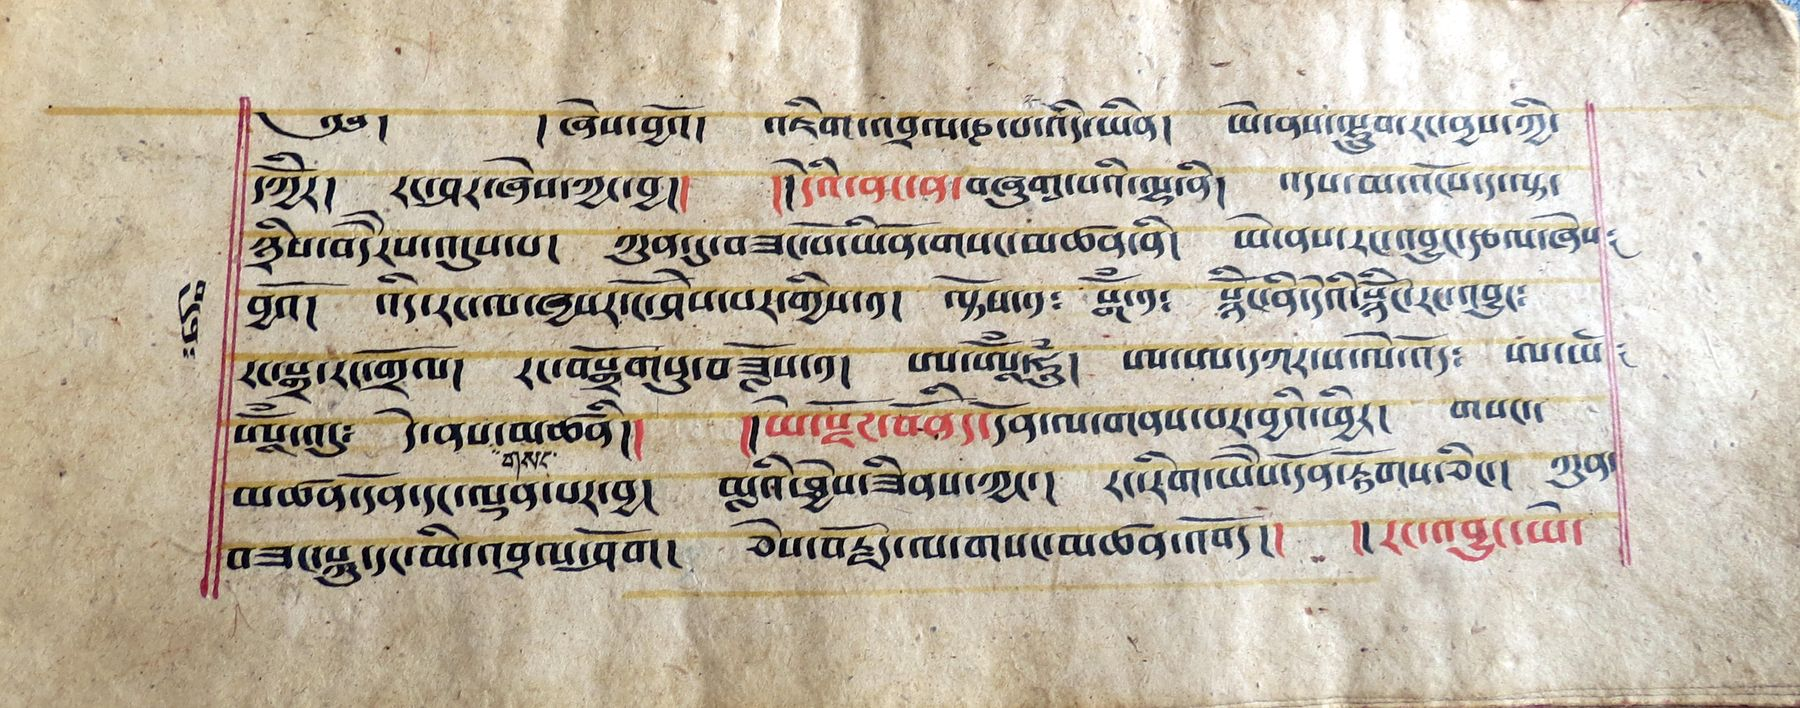ཞེས་བྱ་སྟེ། འཇིག་འབྲལ་མེད་པ་ཞིག་ཡིན་ནོ། ། ཡེ་ནས་ལྷུན་གྲུབ་རང་གནས་ཀྱི་
དཀྱིལ་འཁོར་རང་ཤར་ཞེས་ཀྱང་བྱ། དེའི་ནང་ན་བཞུགས་པའི་ལྷ་ནི། འདས་མ་འོངས་ད་ལྟ་
གསུམ་གྱི་བདེ་བར་གཤེགས་པ་འདུས་ས་ཀུན་ཏུ་བཟང་པོ་ཡིན་ནོ། ། གསང་མཚན་ནི་ཡེ་གནས་རང་འབྱུང་རྩལ་ཞེས་
བྱའོ། ། འདི་རང་ལ་བཞུགས་ངོ་ཤེས་པར་གྱིས་ཤིག ལྟོས་ཤིག བྷོམ་ཞིག སྙིང་པོ་ནི་འདིའི་རང་འབྱུང་
རང་སྒྲ་རང་གྲོལ་རང་སྒྲོགས་སུ་ཟློས་ཤིག ཨ་ཨཱོྃ་ཧཱུྃ། ཨཱ་ཨ་དཀར་སལེ་འོད་ཨ་ཡཾ་
ཨཱོྃ་འདུ། དེ་ནས་གསང་མཚན་ནི། ཡེ་རྫོགས་བོན་ཉིད་དོན་ལ་གནས་བྱའི་ཕྱིར། ། གསང་
མཚན་དོན་ལྡན་བཏགས་པར་བྱ། ། བླ་མའི་ཐུགས་རྗེས་ཟིན་ནས་ཀྱང་། ། རང་རིག་ཡེ་ཤེས་དོན་རྟོགས་ཤིང་། ། ཀུན་
བཟང་སྐུ་དང་མི་འབྲལ་ཤོག། ། ཅེས་བརྗོད་ལ་གསང་མཚན་འབོད། རང་འབྱུང་ཡེ་